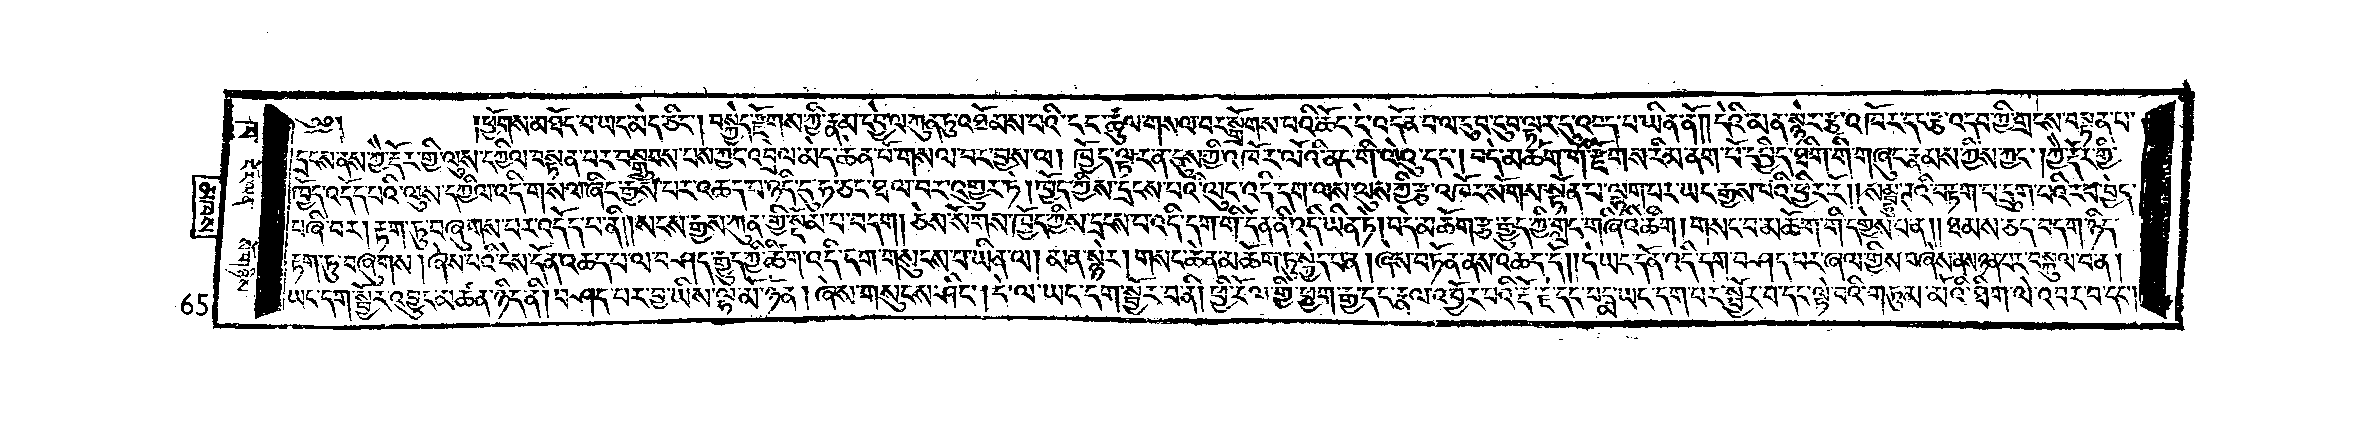༄༅། །ཕྱོགས་མཐོང་བ་ཡང་མེད་ཅིང་། བསྐྱེད་རྫོགས་ཀྱི་རྣམ་དབྱེ་ལ་ཀུན་ཏུ་འཐོམས་པའི་ངང་ཚུལ་གསལ་བར་སྒྲོགས་པའི་ཆོང་དེ་འདོན་པ་ལ་དུབ་དུབ་ལྟར་དུ་འབད་པ་ཡིན་ནོ། །དེའི་མན་སྙེར་རྩ་འཁོར་དང་རྩ་འདབ་ཀྱི་གྲངས་བསྟན་པ་
དྲངས་ནས་ཀྱཻ་རྡོར་གྱི་ལུས་དཀྱིལ་བསྟན་པར་བསྒྲུབས་པས་ཀྱང་འབྲེལ་མེད་ཆེན་པོ་གསལ་བར་བྱས་ལ། ཁྱོད་ལྟར་ན་དུས་ཀྱི་འཁོར་ལོའི་ནང་གི་ལེའུ་དང་། བདེ་མཆོག་གི་རྫོགས་རིམ་ནག་པོ་དཔྱིད་ཐིག་གི་གཞུང་རྣམས་ཀྱིས་ཀྱང་། ཀྱཻ་རྡོར་གྱི་
ཁྱོད་འདོད་པའི་ལུས་དཀྱིལ་འདི་གསལ་ཞིང་རྒྱས་པར་འཆད་པ་ཉིད་དུ་ཧ་ཅང་ཐལ་བར་འགྱུར་ཏེ། ཁྱོད་ཀྱིས་དྲངས་པའི་ལུང་འདི་དག་ལས་ལུས་ཀྱི་རྩ་འཁོར་སོགས་སྟོན་པ་ལྷག་པར་ཡང་རྒྱས་པའི་ཕྱིར་རོ། །སམྦྷུ་ཊའི་བརྟག་པ་དྲུག་པའི་རབ་བྱེད་
བཞི་བར། རྟག་ཏུ་བཞུགས་པར་འདོད་པ་ནི། །སངས་རྒྱས་ཀུན་གྱི་སྡོམ་པ་བདག །ཅེས་སོགས་ཁྱོད་ཀྱིས་དྲངས་པ་འདི་དག་གི་དོན་ནི་འདི་ཡིན་ཏེ། བདེ་མཆོག་རྩ་རྒྱུད་ཀྱི་གླང་གཞིའི་ཚིག །གསང་བ་མཆོག་གི་དགྱེས་པ་ན། །ཐམས་ཅད་བདག་ཉིད་
རྟག་ཏུ་བཞུགས། ཞེས་པའི་ངེས་དོན་འཆད་པ་ལ་བཤད་རྒྱུད་ཀྱི་ཚིག་འདི་དག་གསུངས་པ་ཡིན་ལ། མན་སྙེར། གསང་ཆེན་མཆོག་ཏུ་སྐྱེད་པ་ན། ཞེས་བཏོན་ནས་འཆད་དོ། །དེ་ཡང་དོན་འདི་དག་བཤད་པར་ཞལ་གྱིས་བཞེས་ནས་ཉན་པར་བསྐུལ་བ་ན།
ཡང་དག་སྦྱོར་འབྱུང་མཚན་ཉིད་ནི། བཤད་པར་བྱ་ཡིས་ལྷ་མོ་ཉོན། ཞེས་གསུངས་ཤིང་། དེ་ལ་ཡང་དག་སྦྱོར་བ་ནི། ཕྱི་རོལ་གྱི་ཕྱག་རྒྱ་དང་རྣལ་འབྱོར་བའི་རྡོ་རྗེ་དང་པདྨ་ཡང་དག་པར་སྦྱོར་བ་དང་ལྟེ་བའི་གཏུམ་མོའི་ཐིག་ལེ་འབར་བ་དང་།